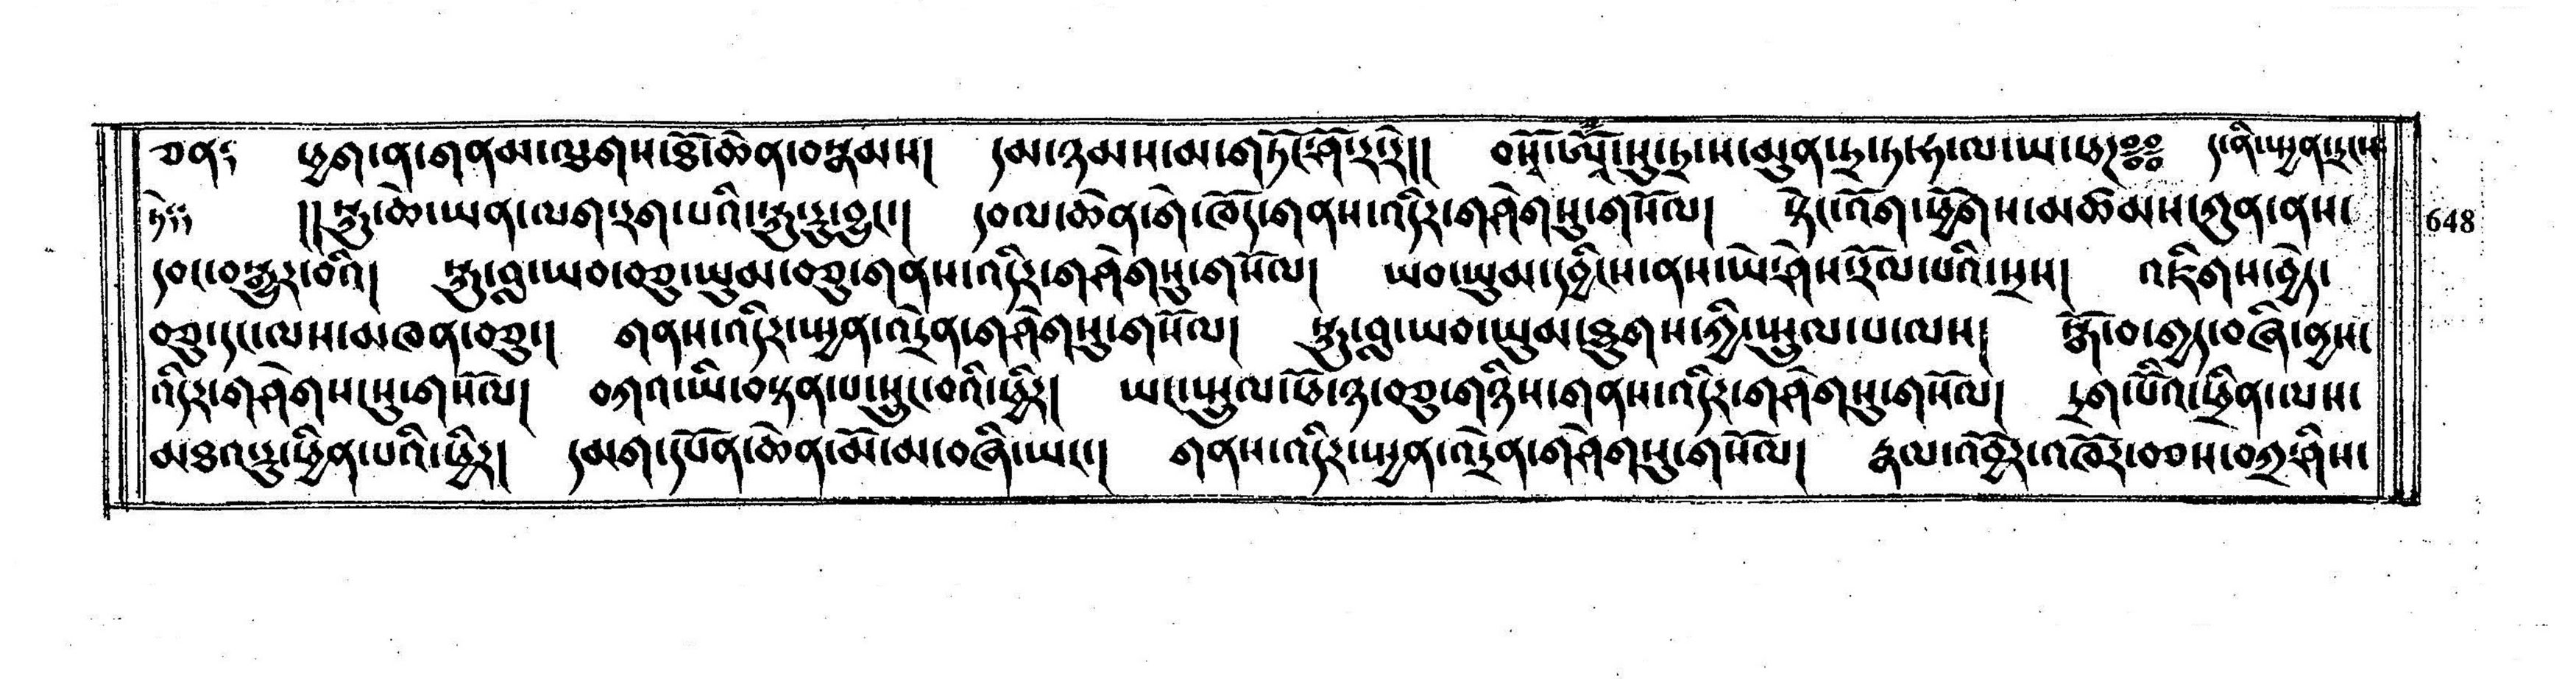ཅན། ཕྱག་ན་གནམ་ལྕགས་ཐོ་ཆེན་བསྣམས། དམ་ཉམས་མ་གཏོང་ཤོ་ར་རེ།། བསྭོ་ཨཱོཾ་སུ་ཏྲ་ས་མུན་ཏྲ་ཏ་ཧ་ལ་ཡ་ཕཊ༔༔ ད་ནི་སྤྱན་དྲངས་
ཏེ།། །།སྐུ་ཆེ་ཡན་ལག་རག་པའི་སྐུ་རུ་བྱུང་། དབལ་ཆེན་གེ་ཁོད་གནས་འདིར་གཤེགས་སུ་གསོལ། སྟེང་འོག་ཕྱོགས་མཚམས་ཀུན་ནས་
དབང་བསྒྱུར་བའི། སྐུ་བླ་ཡབ་བཅུ་ཡུམ་བཅུ་གནས་འདིར་གཤེགས་སུ་གསོལ། ཡབ་ཡུམ་དབྱིངས་ནས་ཡེ་ཤེས་རོལ་པའི་སྲས། འཇིགས་བྱེད་
བཅུ་དང་ལས་མཁན་བཅུ། གནས་འདིར་སྤྱན་འདྲེན་གཤེགས་སུ་གསོལ། སྐུ་བླ་ཡབ་ཡུམ་ཐུགས་ཀྱི་སྤྲུལ་པ་ལས། སྒོ་བ་གྱད་བཞི་གནས་
འདིར་གཤེགས་སུ་གསོལ། བཀའ་ཡི་བསྟན་པ་སྲུང་བའི་ཕྱིར། ཡང་སྤྲུལ་ཕོ་ཉ་བཅུ་གཉིས་གནས་འདིར་གཤེགས་སུ་གསོལ། དྲག་པོའི་ཕྲིན་ལས་
མཐའ་རུ་ཕྱིན་པའི་ཕྱིར། དམག་དཔོན་ཆེན་མོ་མ་བཞི་ཡང་། གནས་འདིར་སྤྱན་འདྲེན་གཤེགས་སུ་གསོལ། རྣལ་འབྱོར་འཁོར་བཅས་བཀྲ་ཤིས་